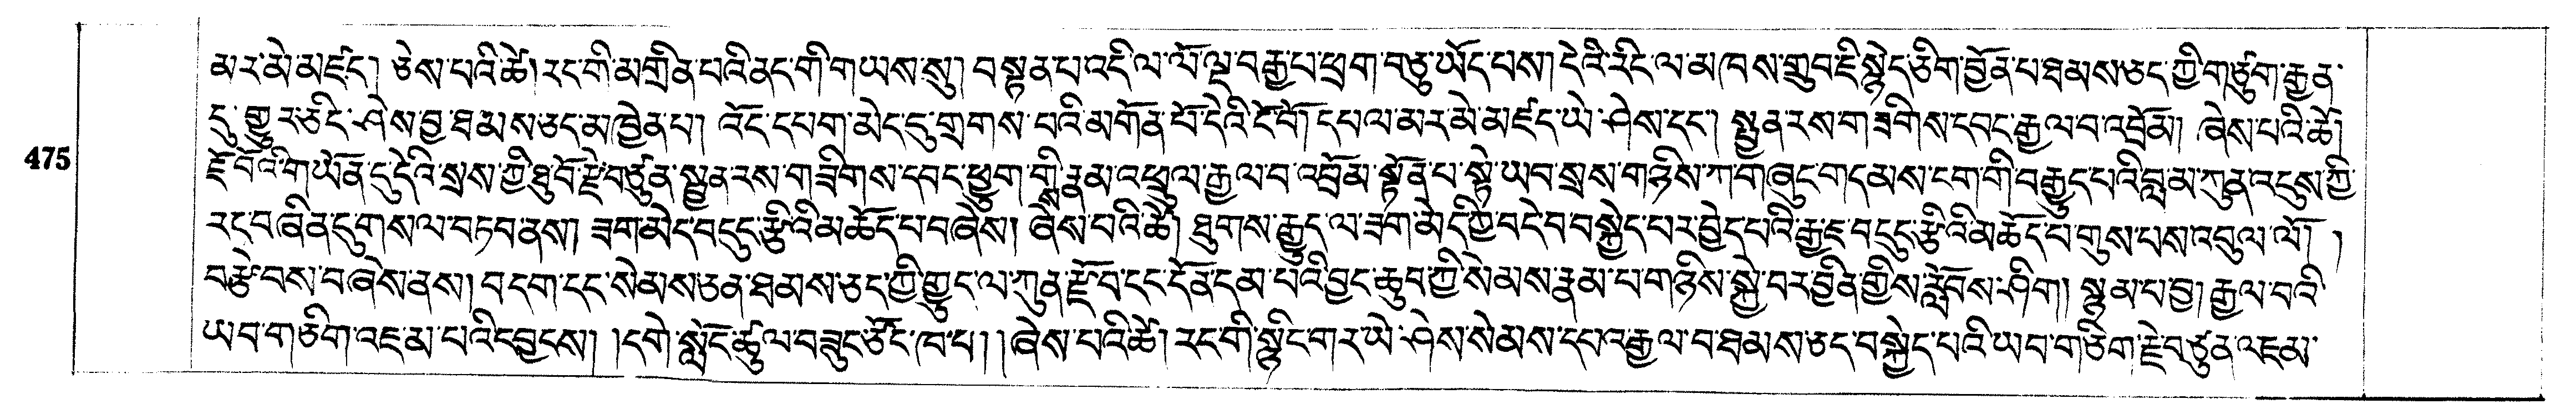མར་མེ་མཛད། ཅེས་པའི་ཚེ། རང་གི་མགྲིན་པའི་ནང་གི་གཡས་སུ། བསྟན་པ་འདི་ལ་ལོ་ལྔ་བརྒྱ་པ་ཕྲག་བཅུ་ཡོད་པས། དེའི་རིང་ལ་མཁས་གྲུབ་ཇི་སྙེད་ཅིག་བྱོན་པ་ཐམས་ཅད་ཀྱི་གཙུག་རྒྱན་
དུ་གྱུར་ཅིང་ཤེས་བྱ་ཐམས་ཅད་མཁྱེན་པ། འོད་དཔག་མེད་དུ་གྲགས་པའི་མགོན་པོ་དེའི་ངོ་བོ། དཔལ་མར་མེ་མཛད་ཡེ་ཤེས་དང་། སྤྱན་རས་གཟིགས་དབང་རྒྱལ་བ་འབྲོམ། ཞེས་པའི་ཚེ།
ཇོ་བོའི་གཡོན་དུ་དེའི་སྲས་ཀྱི་ཐུ་བོ་རྗེ་བཙུན་སྤྱན་རས་གཟིགས་དབང་ཕྱུག་གིས་རྣམ་འཕྲུལ་རྒྱལ་བ་འབྲོམ་སྟོན་པ་སྟེ་ཡབ་སྲས་གཉིས་ཀ་གཞུང་གདམས་ངག་གི་བརྒྱུད་པའི་བླ་མ་ཀུན་འདུས་ཀྱི་
རང་བཞིན་དུ་གསལ་བཏབ་ནས། ཟག་མེད་བདུད་རྩིའི་མཆོད་པ་བཞེས། ཞེས་པའི་ཚེ། ཐུགས་རྒྱུད་ལ་ཟག་མེད་ཀྱི་བདེ་བ་བསྐྱེད་པར་བྱེད་པའི་རྒྱ་ཇ་བདུད་རྩིའི་མཆོད་པ་གུས་པས་འབུལ་ལོ། །
བརྩེ་བས་བཞེས་ནས། བདག་དང་སེམས་ཅན་ཐམས་ཅད་ཀྱི་གྱུད་ལ་ཀུན་རྫོབ་དང་དོན་དམ་པའི་བྱང་ཆུབ་ཀྱི་སེམས་རྣམ་པ་གཉིས་སྐྱེ་བར་བྱིན་གྱིས་རློབས་ཤིག །སྙམ་པ་བྱ། རྒྱལ་བའི་
ཡབ་གཅིག་འཇམ་པའི་དབྱངས། །དགེ་སློང་ཚུལ་བཟུང་ཙོང་ཁ་པ། །ཞེས་པའི་ཚེ། རང་གི་སྙིང་གར་ཡེ་ཤེས་སེམས་དཔའ་རྒྱལ་བ་ཐམས་ཅད་བསྐྱེད་པའི་ཡབ་གཅིག་རྗེ་བཙུན་འཇམ་